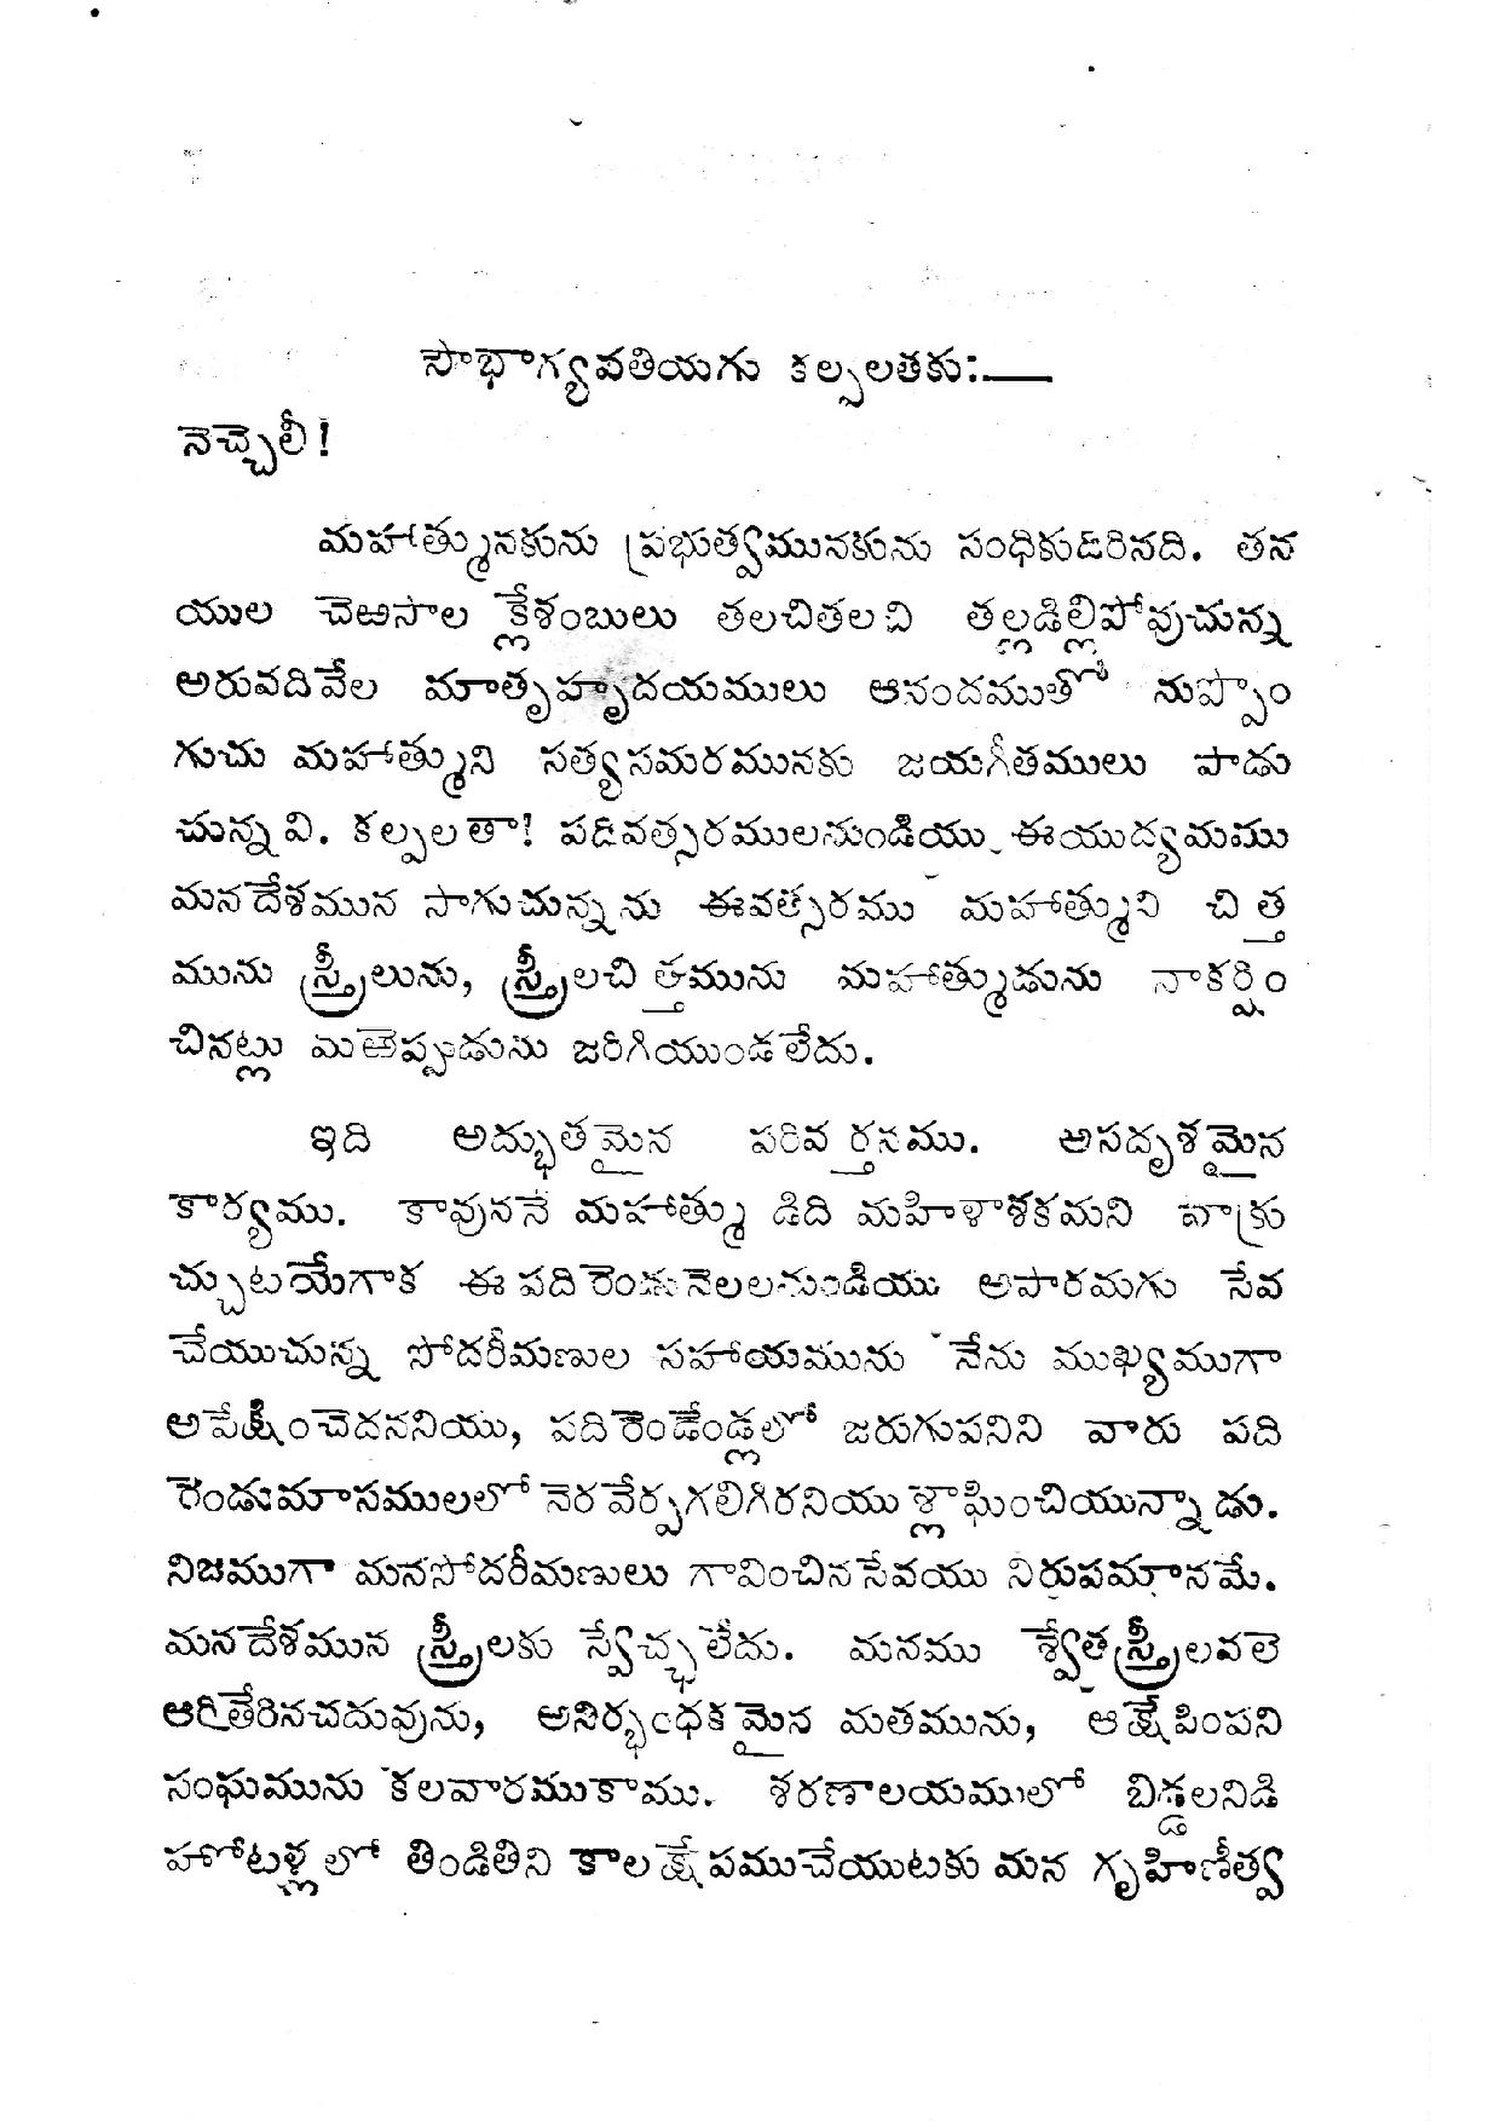సౌభాగ్యవతియగు కల్పలతకు:-—

నెచ్చెలీ!

మహాత్మునకును ప్రభుత్వమునకును సంధి కుదిరినది. తనయుల చెఱసాల క్లేశంబులు తలచితలచి తల్లడిల్లిపోవుచున్న అరువదివేల మాతృహృదయములు ఆనందముతో నుప్పొంగుచు మహాత్ముని సత్యసమరమునకు జయగీతములుపాడుచున్నవి. కల్పలతా! పదివత్సరములనుండియు ఈయుద్యమము మనదేశమున సాగుచున్నను ఈవత్సరము మహాత్ముని చిత్తమును స్త్రీలును, స్త్రీలచిత్తమును మహాత్ముడును నాకర్షించినట్లు మఱెప్పుడును జరిగియుండలేదు.

ఇది అద్భుతమైన పరివర్తనము. అసదృశమైన కార్యము. కావుననే మహాత్ము డిది మహిళాశకమని వాక్రుచ్చుటయేగాక ఈ పదిరెండు నెలల నుండియు అపారమగు సేవచేయుచున్న సోదరీమణుల సహాయమును నేనుముఖ్యముగాఅపేక్షించెదననియు, పదిరెండేండ్లలో జరుగుపనిని వారు పదిరెండుమాసములలో నెరవేర్పగలిగిరనియు శ్లాఘించియున్నాడు. నిజముగామనసోదరీమణులు గావించిన సేవయు నిరుపమానమే. మనదేశమున స్త్రీలకు స్వేచ్ఛ లేదు. మనముశ్వేతస్త్రీలవలె ఆరితేరినచదువును, అనిర్బంధకమైనమతమును, ఆక్షేపింపనిసంఘమును కలవారముకాము. శరణాలయములో బిడ్డలనిడి హోటళ్లలో తిండితిని కాలక్షేపము చేయుటకు మన గృహిణీత్వ